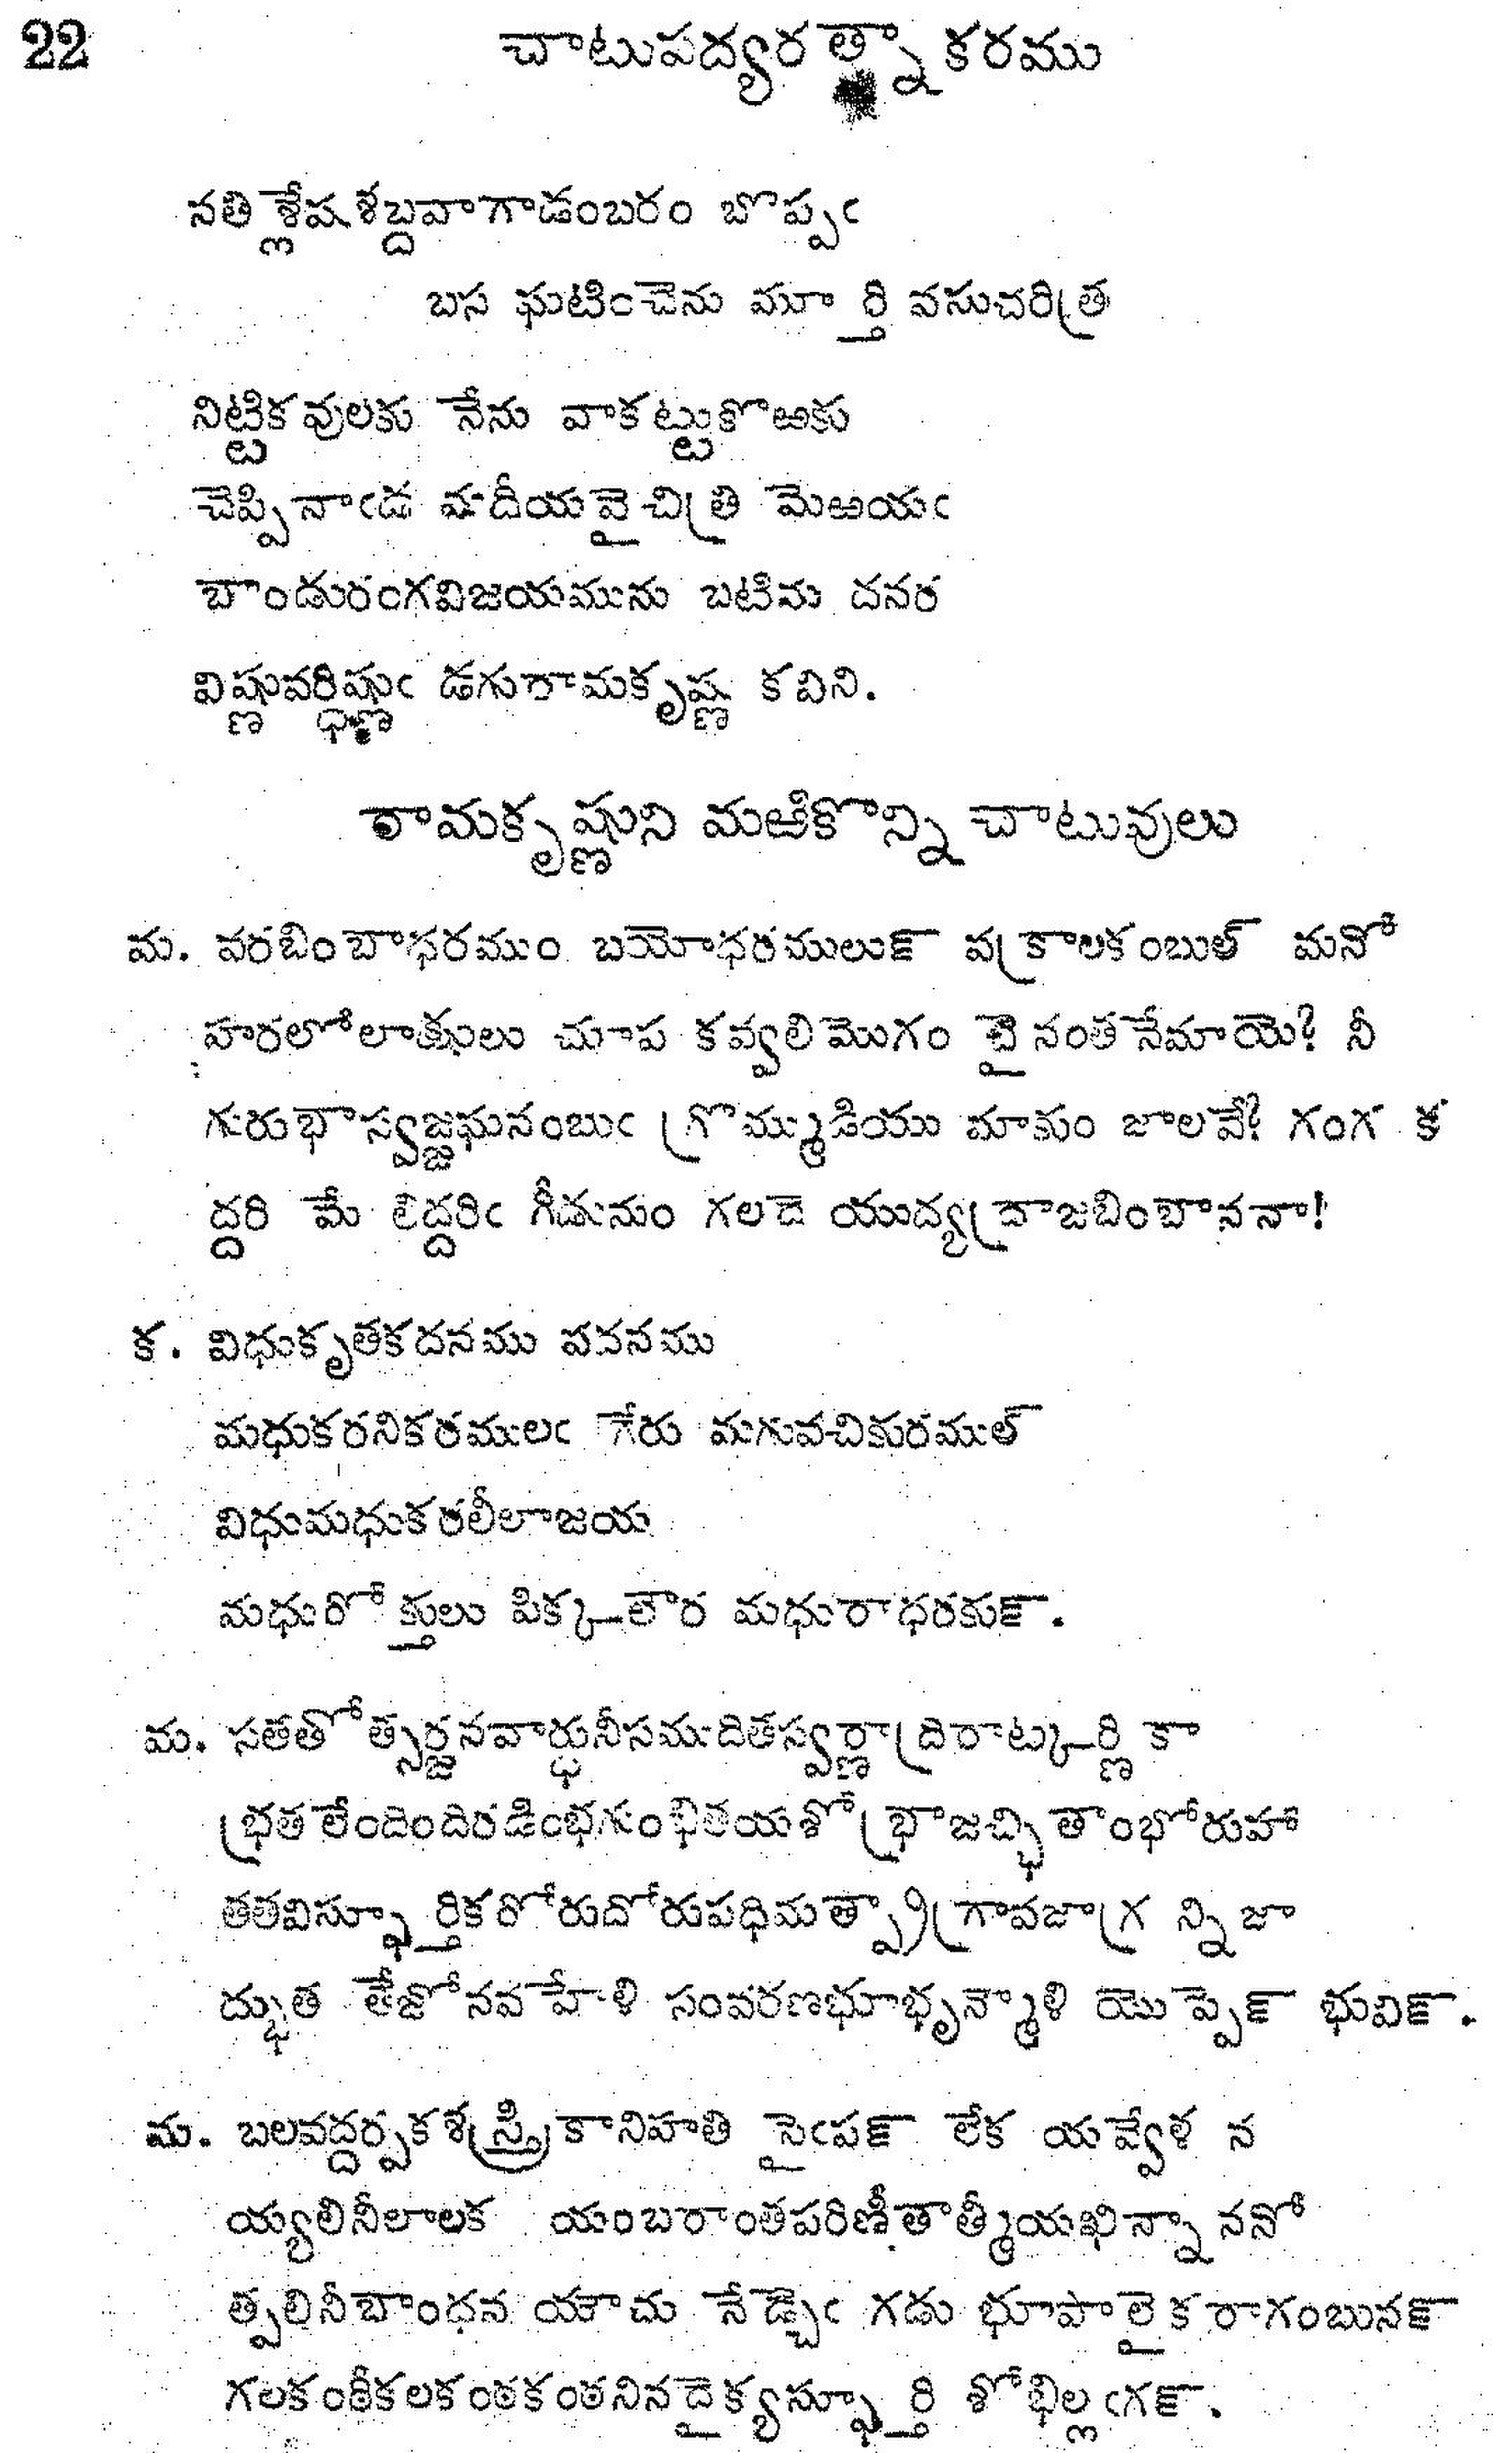నతిశ్లేషవాగాడంబరం బొప్పఁ
 బస ఘటించెను మూర్తి వసుచరిత్ర
 నిట్టికవులకు నేను వాకట్టుకొఱకు
 చెప్పినాఁడ మదీయవైచిత్రి మెఱయఁ
 బాండురంగవిజయమును బటిమ దనర
 విష్ణువర్ధిష్ణుఁ డగు రామకృష్ణకవిని.

రామకృష్ణుని మఱికొన్నిచాటువులు

మ. వరబింబాధరమున్ పయోధరములున్ వక్త్రాలకంబుల్ మనో
 హరలోలాక్షులుఁ జూప కవ్వలి మొగం బైనంత నేమాయె నీ
 గురుభాస్వజ్జఘనంబు క్రుమ్ముడియు మాకుం జాలవే గంగ క
 ద్దరి మే లిద్దరి కీడునుం గలదె యుద్యద్రాజబింబాననా

క. విధుకృతవదనము వదనము
 మధుకరనికరములఁ గేరు మగువచికురముల్
 విధుమధుకరలీలాజయ
 మధురోక్తులు పిక్కలౌర మధురాధరకున్.

మ. సతతోత్సర్జనవార్ధునీసముదితస్వర్ణాద్రిరాట్కర్ణికా
 భ్రతలేందిందిరడింభగుంభితయశోభ్రాజచ్ఛితాంభోరుహా
 తతవిస్ఫూర్తికరోరుదోరుపధిమత్ప్రాగ్రావజాగ్రన్నిజా
 ద్భుతతేజోనవహేళి సంవరణభూభృన్మౌళి యొప్పెన్ భువిన్.

మ. బలవద్దర్పకశస్త్రికానిహతి సైఁపన్ లేక యవ్వేళ న
 య్యలినీలాలక యంబరాంతపరిణీతాత్మీయఖిన్నాననో
 త్పలినీబాంధన యౌచు నేడ్చెఁ గడు భూపాలైకరాగంబునన్
 గలకంఠీకలకంఠనినదైక్యస్ఫూర్తి శోభిల్లఁగన్.